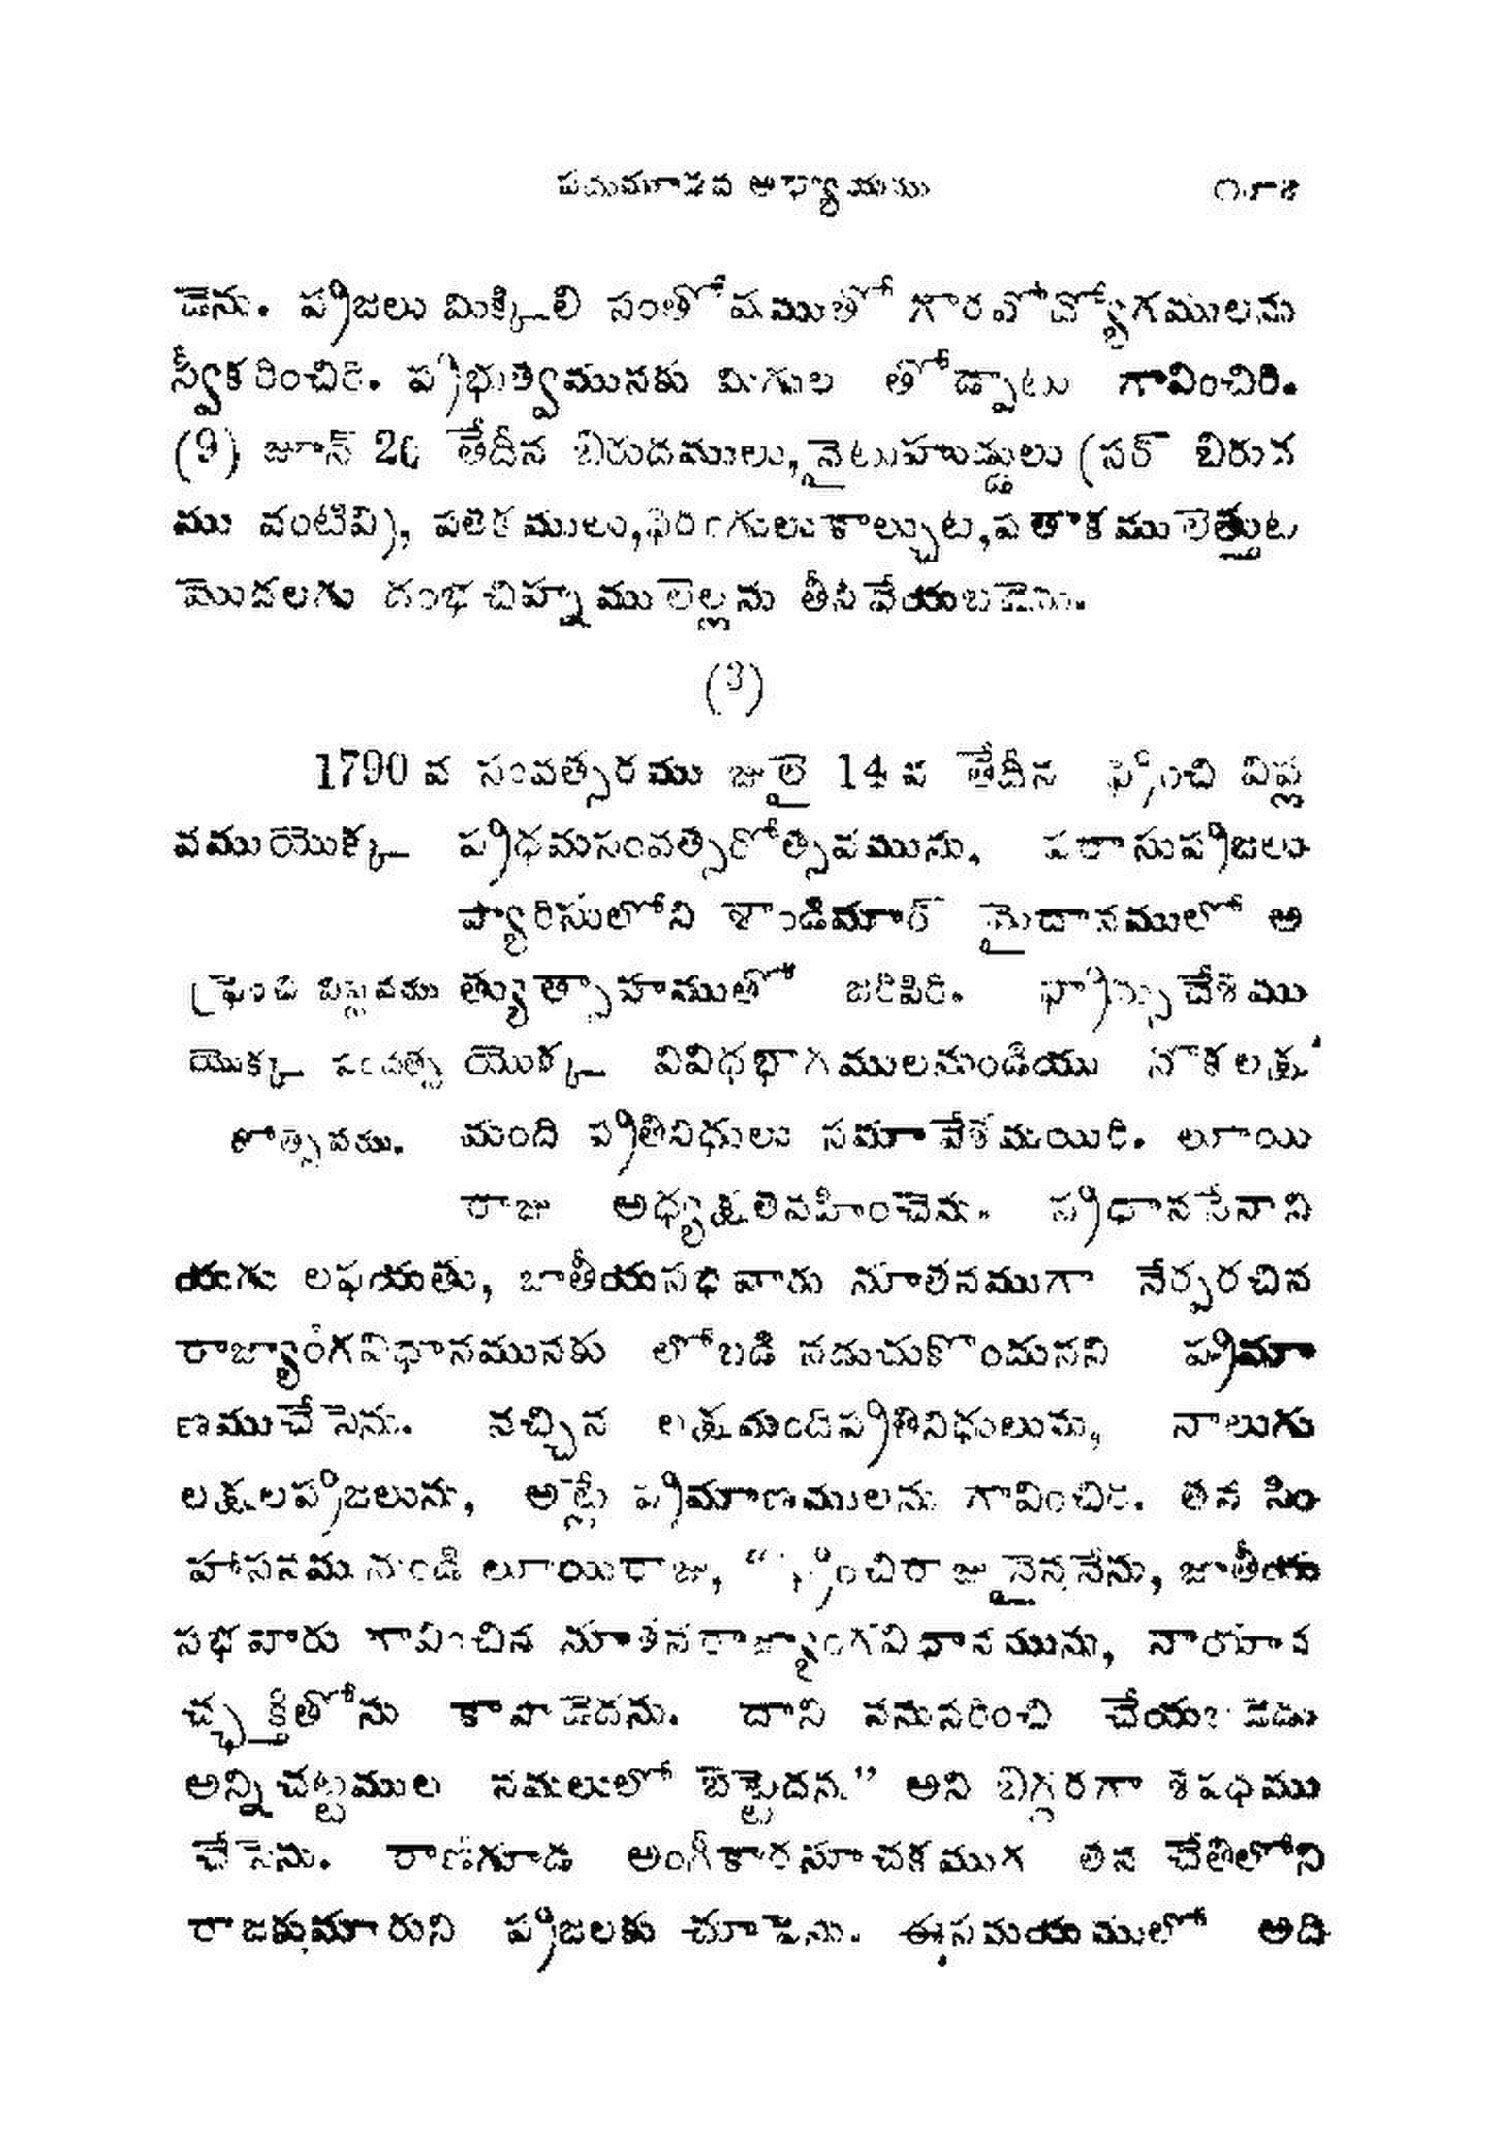డెను. ప్రజలు మిక్కిలి సంతోషముతో గౌరవోద్యగములను
స్వీకరించిరి. ప్రభుత్వముసకు మిగుల తోడ్పాటు గావించిరి.
(9) జూన్ 26 తేదీన బిరుదములు, నైటుహుడ్డులు (సర్ బిరుద
ము వంటివి), పతకములు, ఫిరంగులు కాల్చుట, పతాకము లెత్తుట
మొదలగు దంభ చిహ్నము లెల్లను తీసి వేయబడెను...

ఫ్రెంచి విప్లవము 
యొక్క సంవత్స
రోత్సవము. 
1790 వ సంవత్సరము జులై 14: తేదీన ఫ్రెంచి విప్ల
వము యొక్క ప్రధమ సంవత్సరోత్సవమును, పరాసు ప్రజలు
ప్యారీసులోని శాండిమార్ మైదానములో ఆ త్యుత్సాహములో జరిపిరి. ఫ్రాంన్సు 
దేశము యొక్క వివిధ భాగములనుండియు నొకలక్ష
మంది ప్రతినిధులు సమావేశ మయిరి. లూయి
అధ్యక్షత వహించెను. ప్రధాన సేనాని లఫహయతు
జాతీయసభవారు నూతనముగా నేర్పరచిన
రాజ్యాంగ విధానమునకు లోబడి నడుచుకొందునని ప్రమా
ణముచే సేసెను. వచ్చిన లక్ష మంది ప్రతినిధులును, నాలుగు
లక్షల ప్రజలును, అట్లే ప్రమాణములను గావించిరి.. తన సిం
హాసనము నుండి లూయి రాజు, "ఫ్రెం చి రాజు నైన నేను, జాతీయ
సభవారు గావించిన నూతన రాజ్యాంగ విధానమును, నాయా వ
చ్ఛక్తితోను కాపాడెదను. దాసి ననుసరించి చేయబడు
అన్ని చట్టములు సమలులో బెట్టెదను..” అని బిగ్గరగా శపధము
చేసెను. రాణిగూడ అంగీకార సూచకముగ తన చేతిలోని
రాజకుమారుని ప్రజలకు చూపెను. ఈ సమయములో అది